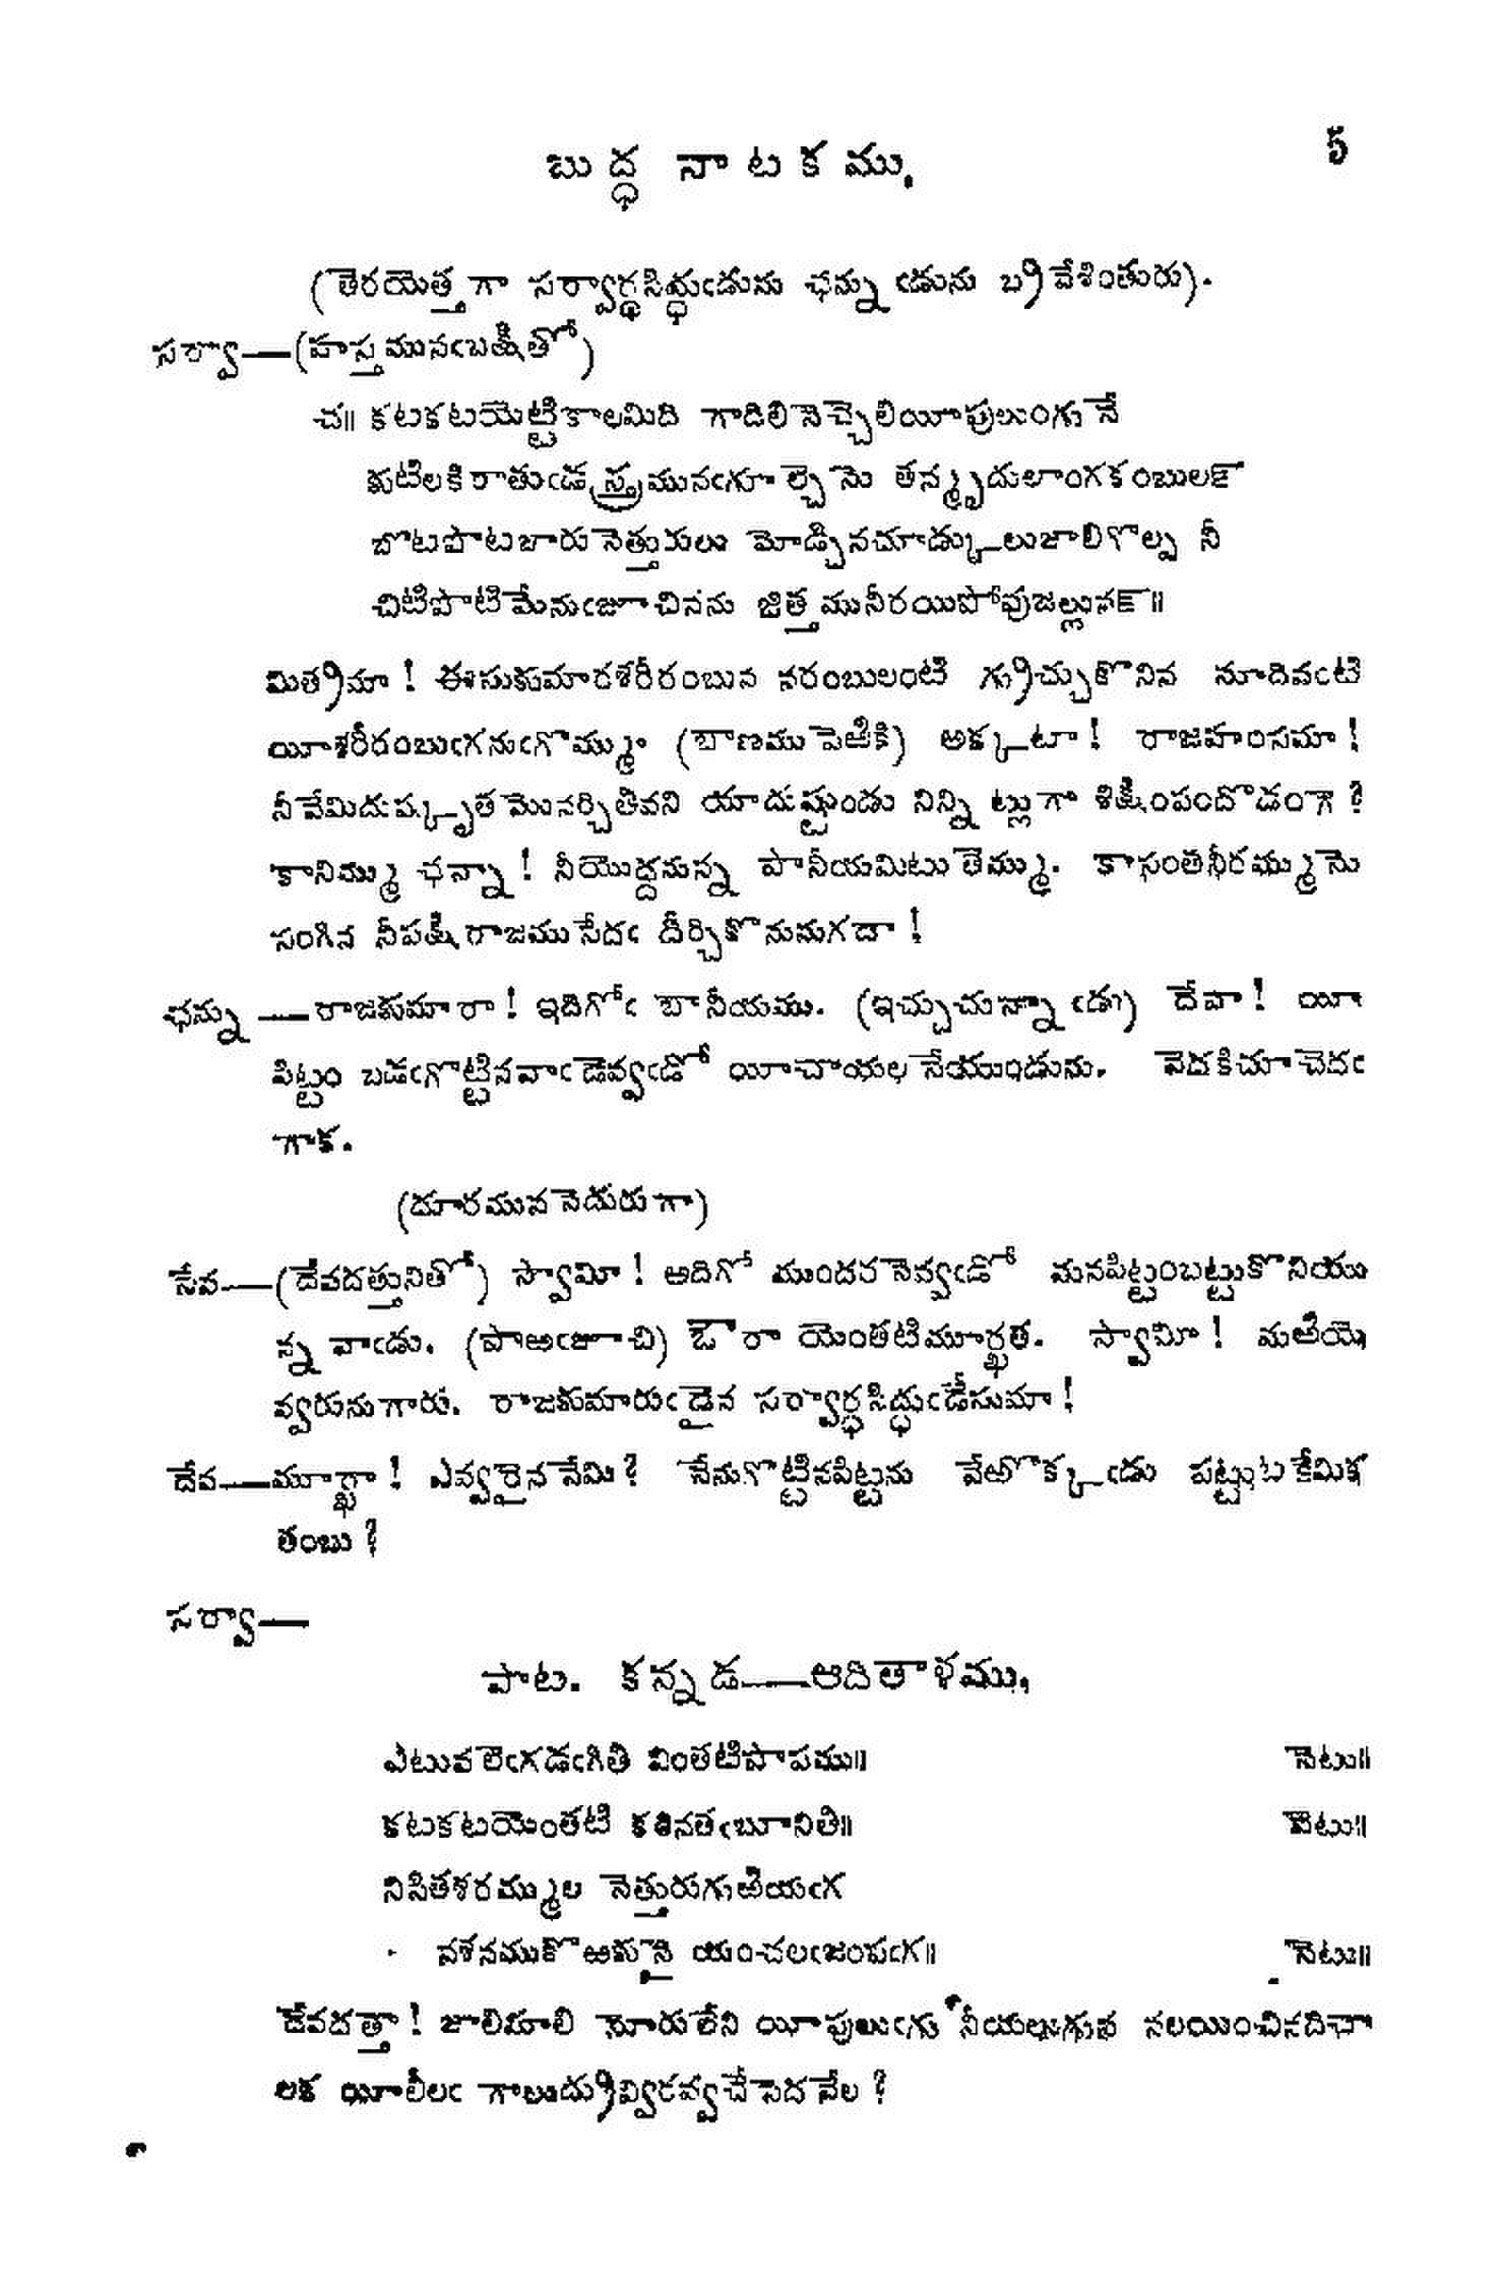సర్వా—(హస్తముసఁబక్షితో)

మిత్రమా! ఈ సుకుమారశరీరంబున నరంబులంటి గ్రుచ్చుకొనిన సూదివంటి యీ శరీరంబుఁగనుఁగొమ్ము (బాణము పెణీకి) అక్కటా! రాజహంసమా! నీ వేమిదుష్కృత మొనర్చితివని యాదుష్టుండు నిన్నిట్లుగా శిక్షింపందొడంగె? కానిమ్ము ఛన్నా! నీయొద్దనున్న 
పానీయమిటు లెమ్ము. కాసంతినీరమ్మునెు సంగిన నీపక్షిరాజముసేదఁదీర్చికొనునుగదా!

ఛన్ను - రాజకుమారా! ఇదిగోఁ బానీయము. (ఇచ్చుచున్నాఁడు) దేవా! యీ పిట్టం బడఁగొట్టినవాఁ డెవ్వఁడో యీచాయల
నేయుండును. వెదకిచూచెదఁ గాక. 

(దూరమున నెదురుగా)

సేవ — (దేవదత్తునితో) స్వామి! అదిగో ముందర నెవ్వఁడో మనపిట్టంబట్టుకొనియున్నవాఁడు. (పాఱఁజూచి) ఔరా యెంకటిమూర్ఖత. 
స్వామి! మఱియెవ్వరునుగారు. రాజకుమారుఁడైన సర్వార్ధసిద్ధుఁడేసుమా!

దేవ — మూర్ఖ! ఎవ్వరైననేమి? నేను గొట్టినపిట్టను వేఱోక్కఁడు పట్టుటకేమిక తంబు?

సర్వా -

 

దేవదత్తా! జూలియాలి నూరులేని యీపులుఁగు నీయలుగువ నలయించినదిచాలక యీలీలఁగాలుదువ్విరవ్వచేసెదవేల?